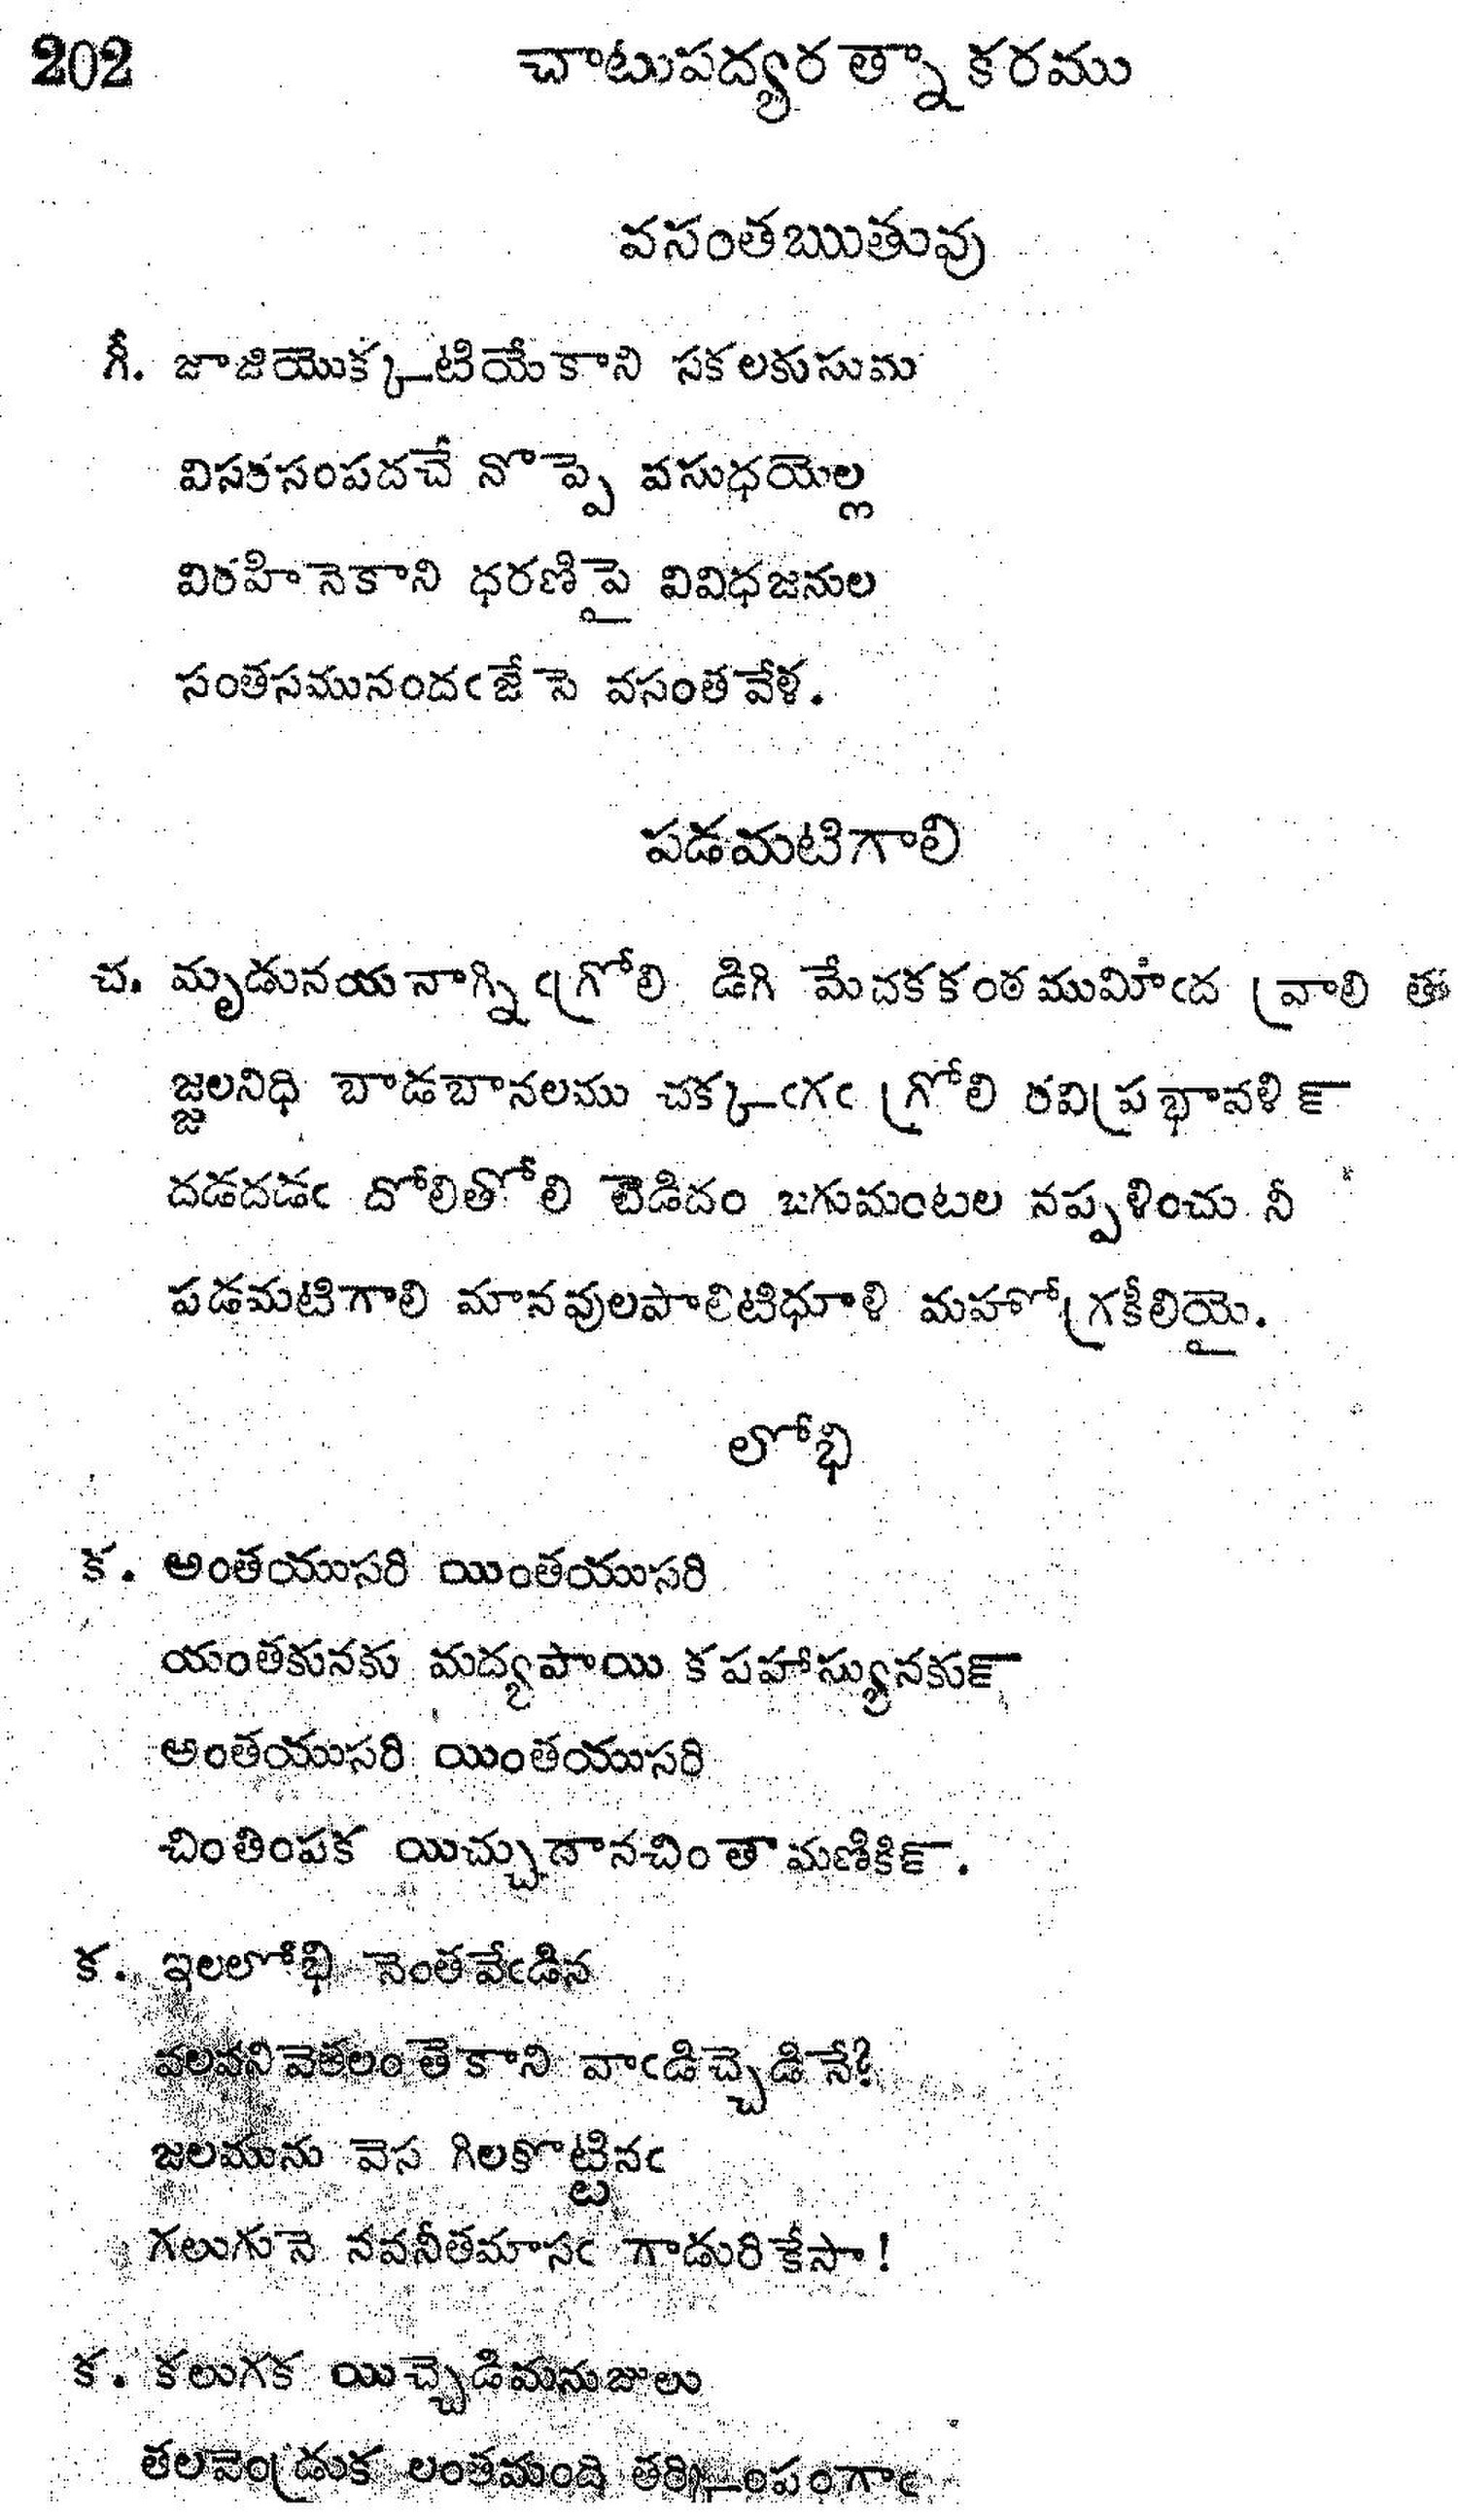గీ. జాజి యొక్కటియేకాని సకలకుసుమ
 విసరసంపదచో నొప్పె వసుధయెల్ల
 విరహినెకాని ధరణిపై వివిధజనుల
 సంతసము నందఁజేసె వసంతవేళ.

చ. మృడునయనాగ్నిఁ గ్రోలి డిగి మేచకకంఠముమీఁద వ్రాలి త
 జ్జలనిధి బాడబానలము చక్కఁగఁ గ్రోలి రవిప్రభావళిన్
 దడదడఁ దోలితోలి బెడిదం బగుమంటల నప్పళించు నీ
 పడమటిగాలి మానవులపాలిటిధూళి మహోగ్రకీలయై.

క. అంతయుసరి యింతయుసరి
 యంతకునకు మద్యపాయి కపహాస్యునకున్
 అంతయుసరి యింతయుసరి
 చింతింపక యిచ్చు దానచింతామణికిన్.

క. ఇల లోభి నెంత వేఁడిన
 వలవని వెత లంతె కాని వాఁ డిచ్చెడినే?
 జలమును వెస గిలకొట్టినఁ
 గలుగునె నవనీతమాసఁ గాడురికేసా!

క. కలుగక యిచ్చెడి మనుజులు
 తలవెండ్రుక లంతమంది తర్కింపంగాఁ